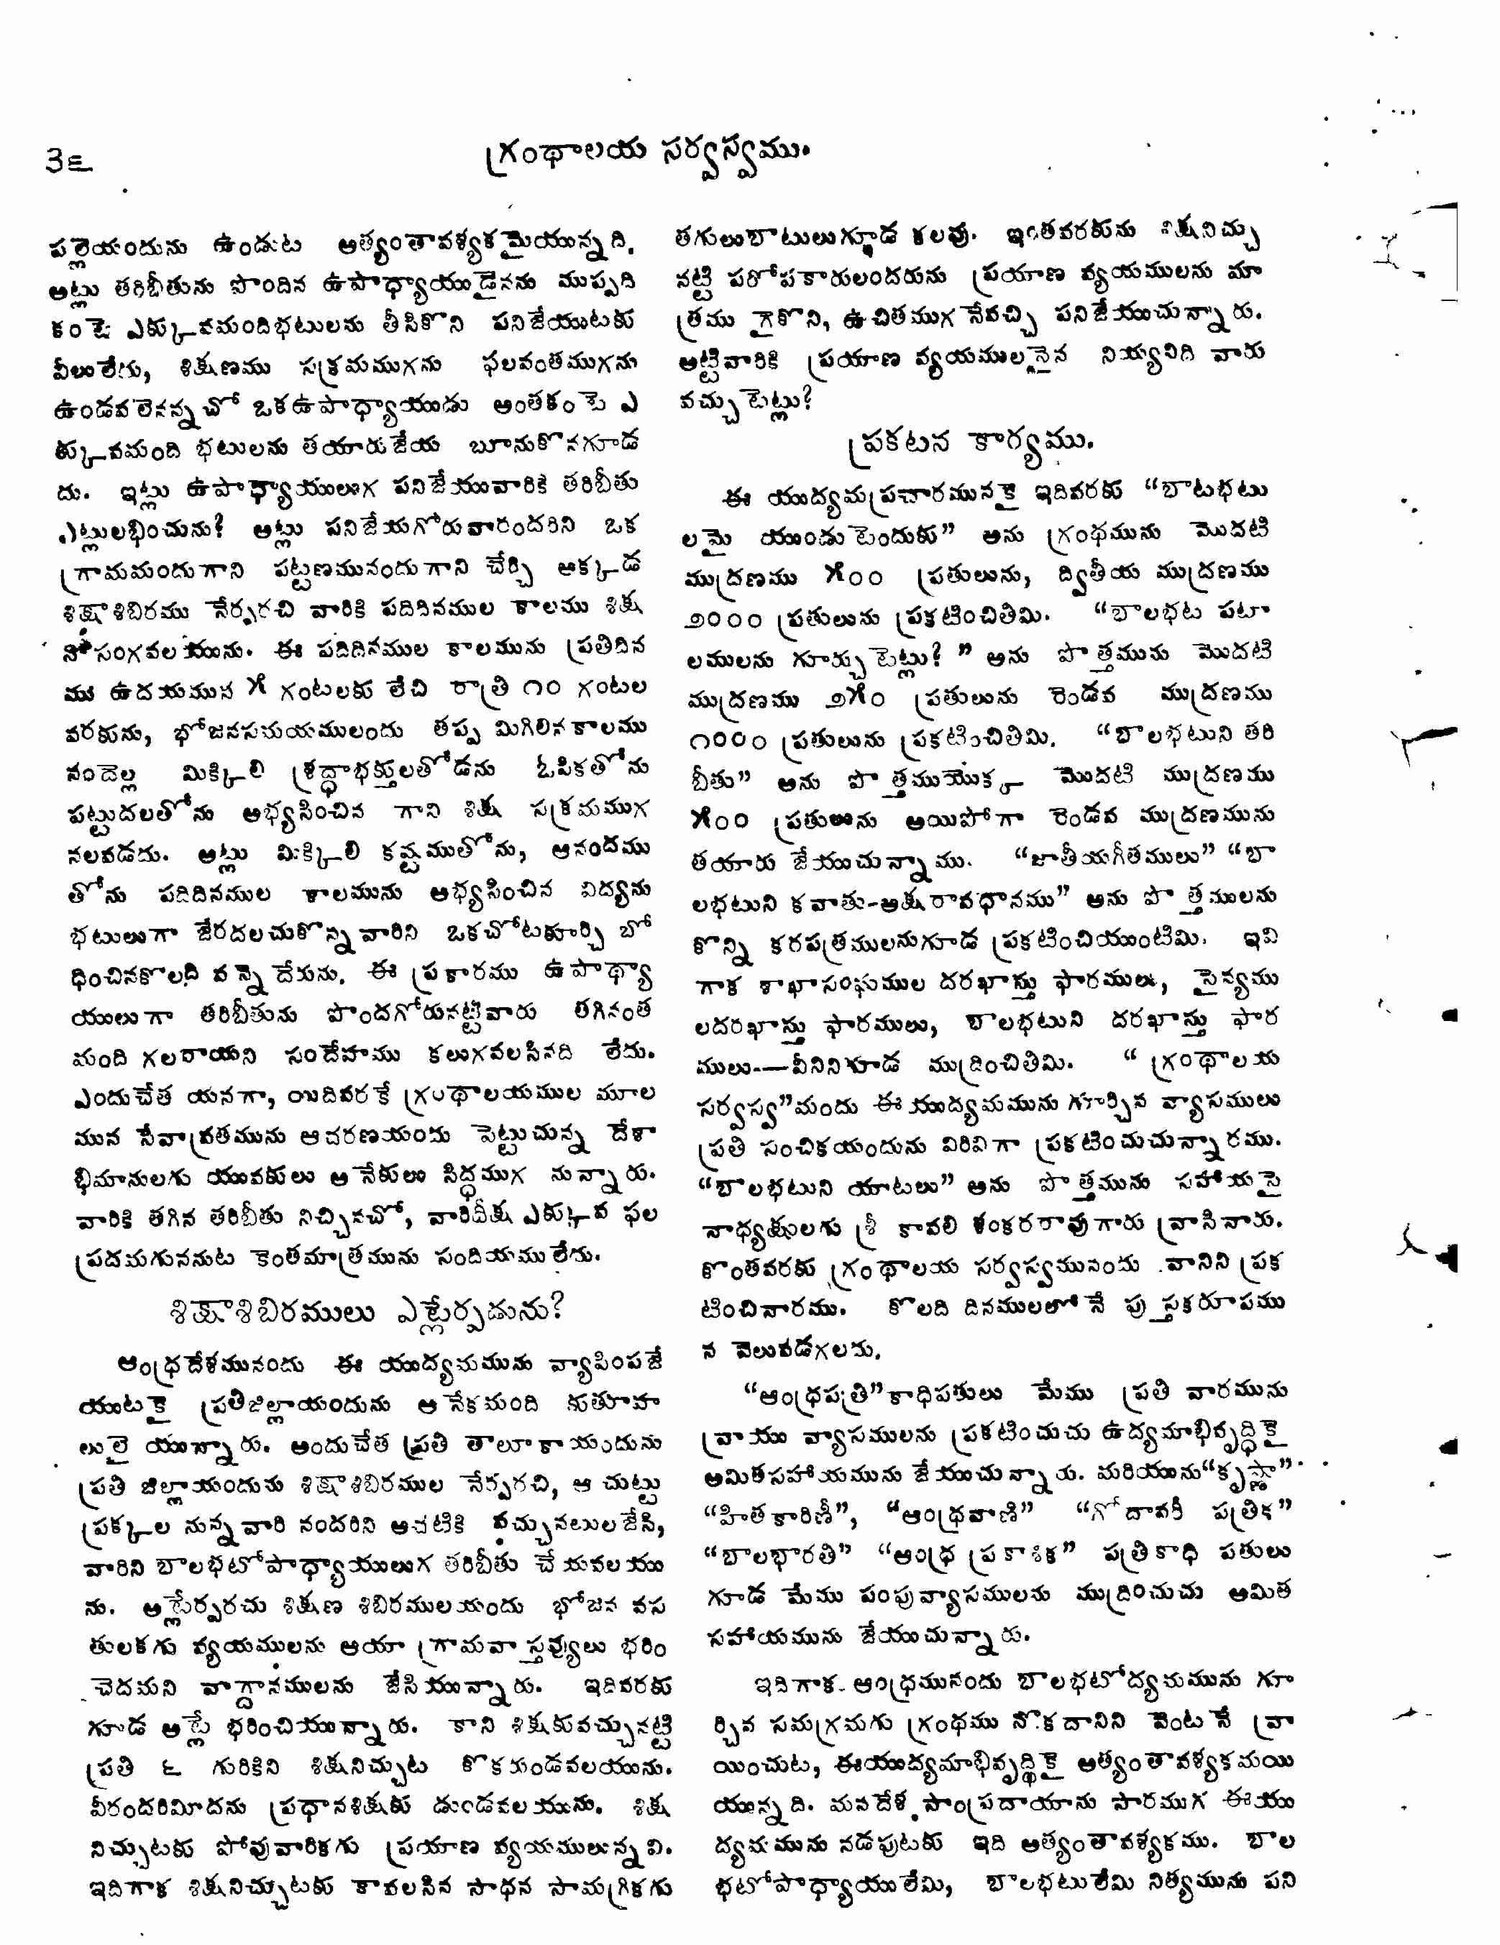పల్లెయందును ఉండుట అత్యంతావశ్యకమైయున్నది. అట్లు తరిబీతును పొందిన ఉపాధ్యాయుడైనను ముప్పదికంటె ఎక్కువమంది భటులను తీసికొని పనిజేయుటకు వీలులేదు, శిక్షణము సక్రమముగను ఫలవంతముగను ఉండవలెనన్నచో ఒక ఉపాధ్యాయుడు అంతకంటె ఎక్కువమంది భటులను తయారుజేయ బూనుకొనగూడదు. ఇట్లు ఉపాధ్యాయులుగ పనిజేయువారికి తరిబీతు ఎట్లు లభించును? అట్లు పనిజేయగోరువారందరిని ఒక గ్రామమందు గాని పట్టణమునందుగాని చేర్చి అక్కడ శిక్షా శిబిరము నేర్పరచి వారికి పదిదినముల కాలము శిక్ష నోసంగవలయును. ఈ పదిదినముల కాలమును ప్రతిదినము ఉదయమున ౫ గంటలకు లేచి రాత్రి ౧౦ గంటల వరకును, భోజనసమయములందు తప్ప మిగిలినకాలము నందెల్ల మిక్కిలి శ్రద్ధాభక్తులతోడను ఓపికతోను పట్టుదలతోను అభ్యసించిన గాని శిక్ష సక్రమముగ నలవడదు. అట్లు మిక్కిలి కష్టముతోను, ఆనందముతోను పదిదినముల కాలమును అభ్యసించిన విద్యను భటులుగా జేరదలచుకొన్న వారిని ఒకచోటకూర్చి బోధించినకొలది వన్నెదేరును. ఈ ప్రకారము ఉపాధ్యాయులుగా తరిబీతును పొందగోరునట్టివారు తగినంత మంది గలరాయని సందేహము కలుగవలసినది లేదు. ఎందుచేత యనగా, యిదివరకే గ్రంథాలయముల మూలమున సేవాగ్రతమును ఆచరణయందు పెట్టుచున్న దేశాభిమానులగు యువకులు అనేకులు సిద్ధముగు నున్నారు. వారికి తగిన తరిబీతు నిచ్చినచో, వారి దీక్ష ఎక్కువ ఫలప్రదమగుననుట కెంతమాత్రమును సందియములేదు.

ఆంధ్రదేశమునందు ఈ యుద్యమమును వ్యాపింపజేయుటకై ప్రతిజిల్లాయందును ఆనేకమంది కుతూహలులై యున్నారు. అందుచేత ప్రతి తాలూకాయందును ప్రతి జిల్లా యందును శిక్షా శిబిరముల నేర్పరచి, ఆ చుట్టుప్రక్కల నున్న వారి నందరిని అచటికి వచ్చునటుల జేసి,
వారిని బాలభటోపాధ్యాయులుగ తరిబీతు చేయవలయును. ఆల్లేర్పరచు శిక్షణ శిబిరములయందు భోజన వసతులకగు వ్యయములను ఆయా గ్రామవాస్తవ్యులు భరించెదమని వాగ్దానములను జేసియున్నారు. ఇదివరకు గూడ అట్లే భరించియున్నారు. కాని శిక్షకువచ్చునట్టి
ప్రతి ౬ గురికిని శిక్షనిచ్చుట కొకకుండవలయును. వీరందరిమీదను ప్రధానశిక్షకు డుండవలయును. శిక్ష నిచ్చుటకు పోవువారికగు ప్రయాణ వ్యయములున్నవి. ఇది గాక శిక్ష నిచ్చుటకు కావలసిన సాధన సామగ్రికగు తగులుబాటులు గూడ కలవు. ఇంతవరకును శిక్షనిచ్చు నట్టి పరోపకారులందరును ప్రయాణ వ్యయములను మాత్రము గైకొని, ఉచితముగ నేవచ్చి పనిజేయుచున్నారు. అట్టివారికి ప్రయాణ వ్యయములనైన నియ్యనిధి వారు వచ్చుటెట్లు?

ఈ యుద్యమప్రచారమునకై ఇదివరకు “బాటభటులమై యుండుటెందుకు" అను గ్రంథమును మొదటి ముద్రణము ౫౦౦ ప్రతులును, ద్వితీయ ముద్రణము ౨౦౦౦ ప్రతులును ప్రకటించితిమి. “బాలభట పటాలములను గూర్చు టెట్లు? " అను పొత్తముకు మొదటి
ముద్రణము ౨౫౦ ప్రతులును రెండవ ముద్రణము ౧౦౦౦ ప్రతులును ప్రకటించితిమి. “బాలభటుని తరిబీతు" అను పొత్తము యొక్క మొదటి ముద్రణము ౫౦౦ ప్రతులను అయిపోగా రెండవ ముద్రణమును తయారు జేయుచున్నాము. “జాతీయగీతములు” "బాలభటుని కవాతు-అక్షరావధానము” అను పొత్తములను కొన్ని కరపత్రములనుగూడ ప్రకటించియుంటిమి. ఇవిగాక శాఖా సంఘముల దరఖాస్తు ఫారములు, సైన్యముల దరఖాస్తు ఫారములు, బాలభటుని దరఖాస్తు ఫారములు — వీనినిగూడ ముద్రించితిమి. "గ్రంథాలయ 
సర్వస్వ” మందు ఈ యద్యమమును గూర్చిన వ్యాసములు ప్రతి సంచిక యందును విరివిగా ప్రకటించుచున్నారము. "బాలభటుని యాటలు" అను పొత్తమును సహాయసైనాధ్యక్షులగు శ్రీ కావలి శంకరరావుగారు వ్రాసినారు. కొంతవరకు గ్రంథాలయ సర్వస్వమునందు వానిని ప్రకటించినారము. కొలది దినములలోనే పుస్తకరూపమున వెలువడగలదు.

“ఆంధ్రపత్రి” కాధిపతులు మేము ప్రతి వారమును వ్రాయు వ్యాసములను ప్రకటించుచు ఉద్యమాభివృద్ధికై అమితసహాయమును జేయుచున్నారు. మరియును “కృష్ణా” “హిత కారిణీ", "ఆంధ్రవాణి” “గోదావరీ పత్రిక" "బాలభారతి” “ఆంధ్ర ప్రకాశిక" పత్రికాధి పతులు
గూడ మేము పంపు వ్యాసములను ముద్రించుచు అమిత సహాయమును జేయుచున్నారు.

ఇది గాక - ఆంధ్రమునందు బాలభటోద్యమమును గూర్చిన సమగ్రమగు గ్రంథము నొకదానిని వెంటనే వ్రాయించుట, ఈయుద్యమాభివృద్ధికై అత్యంతావశ్యకమయియున్నది. మనదేశ సాంప్రదాయాను సారముగ ఈయుద్యమమును నడపుటకు ఇది అత్యంతావశ్యకము. 
బాల భటోపాధ్యాయులేమి, బాలభటులేమి నిత్యమును పని